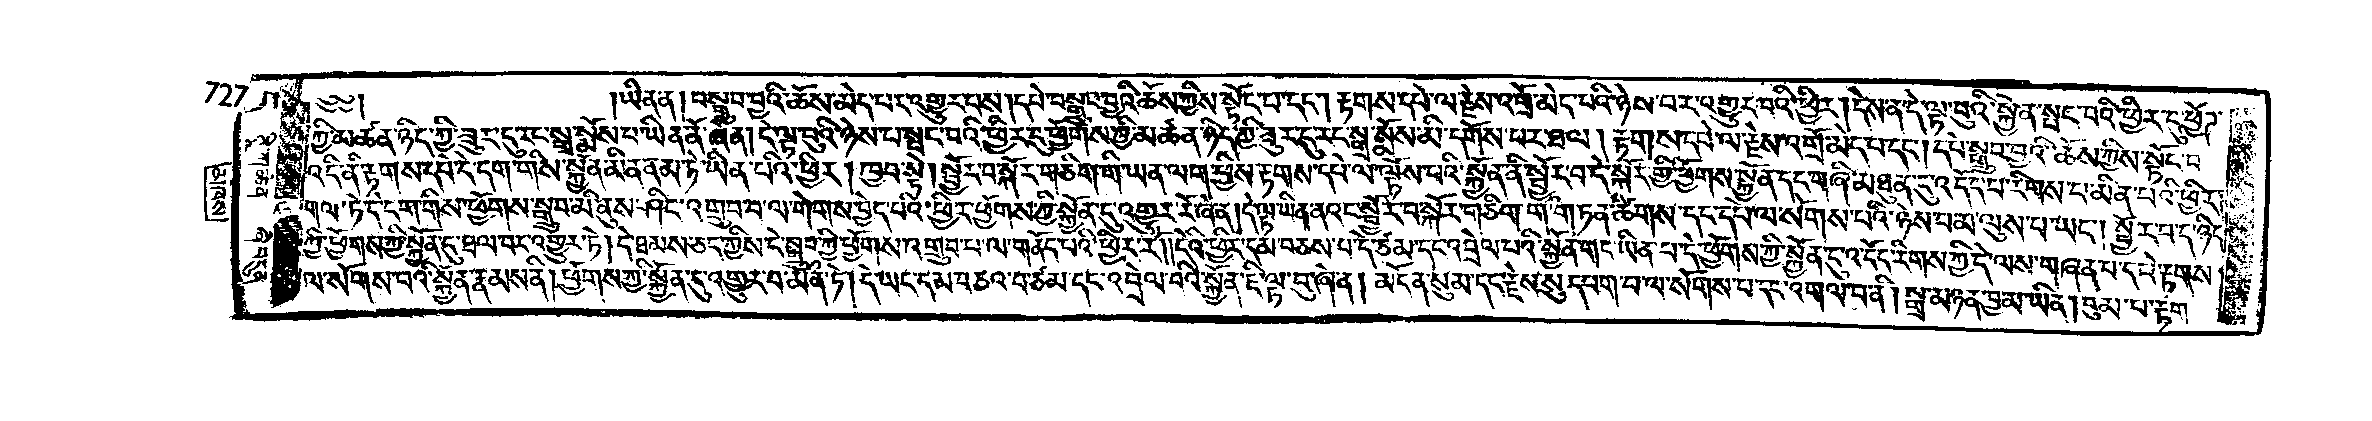༄༅། །ཡིན་ན། བསྒྲུབ་བྱའི་ཆོས་མེད་པར་འགྱུར་བས། དཔེ་བསྒྲུབ་བྱའི་ཆོས་ཀྱིས་སྟོང་པ་དང་། རྟགས་དཔེ་ལ་རྗེས་འགྲོ་མེད་པའི་ཉེས་པར་འགྱུར་བའི་ཕྱིར། དེས་ན་དེ་ལྟ་བུའི་སྐྱོན་སྤང་བའི་ཕྱིར་དུ་ཕྱོགས་
ཀྱི་མཚན་ཉིད་ཀྱི་ཟུར་དུ་རང་སྒྲ་སྨོས་པ་ཡིན་ནོ་ཞེ་ན། དེ་ལྟ་བུའི་ཉེས་པ་སྤང་བའི་ཕྱིར་དུ་ཕྱོགས་ཀྱི་མཚན་ཉིད་ཀྱི་ཟུར་དུ་རང་སྒྲ་སྨོས་མི་དགོས་པར་ཐལ། རྟགས་དཔེ་ལ་རྗེས་འགྲོ་མེད་པ་དང་། དཔེ་སྒྲུབ་བྱའི་ཆོས་ཀྱིས་སྟོང་བ་
འདི་ནི་རྟགས་དཔེ་དེ་དག་གིས་སྐྱོན་མིན་ནམ་ཏེ་ཡིན་པའི་ཕྱིར། ཁྱབ་སྟེ། སྦྱོར་བ་སྐོར་གཅིག་གི་ཡན་ལག་ཕྱིས་རྟགས་དཔེ་ལ་ལྟོས་པའི་སྐྱོན་ནི་སྦྱོར་བ་དེ་སྐོར་གྱི་ཕྱོགས་སྐྱོན་དང་གཞི་མཐུན་དུ་འདོད་པ་རིགས་པ་མིན་པའི་ཕྱིར།
གལ་ཏེ་དེ་དག་གིས་ཕྱོགས་བསྒྲུབ་མི་ནུས་ཤིང་འགྲུབ་པ་ལ་གེགས་བྱེད་པའི་ཕྱིར་ཕྱོགས་ཀྱི་སྐྱོན་དུ་འགྱུར་རོ་ཞེ་ན། དེ་ལྟ་ཡིན་ནའང་སྦྱོར་བ་སྐོར་གཅིག་གི་གཏན་ཚིགས་དང་དཔེ་ལ་སོགས་པའི་ཉེས་པ་མ་ལུས་པ་ཡང་། སྦྱོར་བ་དེ་ཉིད་
ཀྱི་ཕྱོགས་ཀྱི་སྐྱོན་དུ་ཐལ་བར་འགྱུར་ཏེ། དེ་ཐམས་ཅད་ཀྱིས་དེ་སྒྲུབ་ཀྱི་ཕྱོགས་འགྲུབ་པ་ལ་གནོད་པའི་ཕྱིར་རོ། །དེའི་ཕྱིར་དམ་བཅས་པ་དེ་ཙམ་དང་འབྲེལ་བའི་སྐྱོན་གང་ཡིན་པ་དེ་ཕྱོགས་ཀྱི་སྐྱོན་དུ་འདོད་རིགས་ཀྱི་དེ་ལས་གཞན་པ་དཔེ་རྟགས་
ལ་སོགས་པའི་སྐྱོན་རྣམས་ནི། ཕྱོགས་ཀྱི་སྐྱོན་དུ་འགྱུར་བ་མིན་ཏེ། དེ་ཡང་དམ་བཅའ་བ་ཙམ་དང་འབྲེལ་བའི་སྐྱོན་ཇི་ལྟ་བུ་ཞེ་ན། མངོན་སུམ་དང་རྗེས་སུ་དཔག་པ་ལ་སོགས་པ་དང་འགལ་བ་ནི། སྒྲ་མཉན་བྱ་མ་ཡིན། བུམ་པ་རྟག་